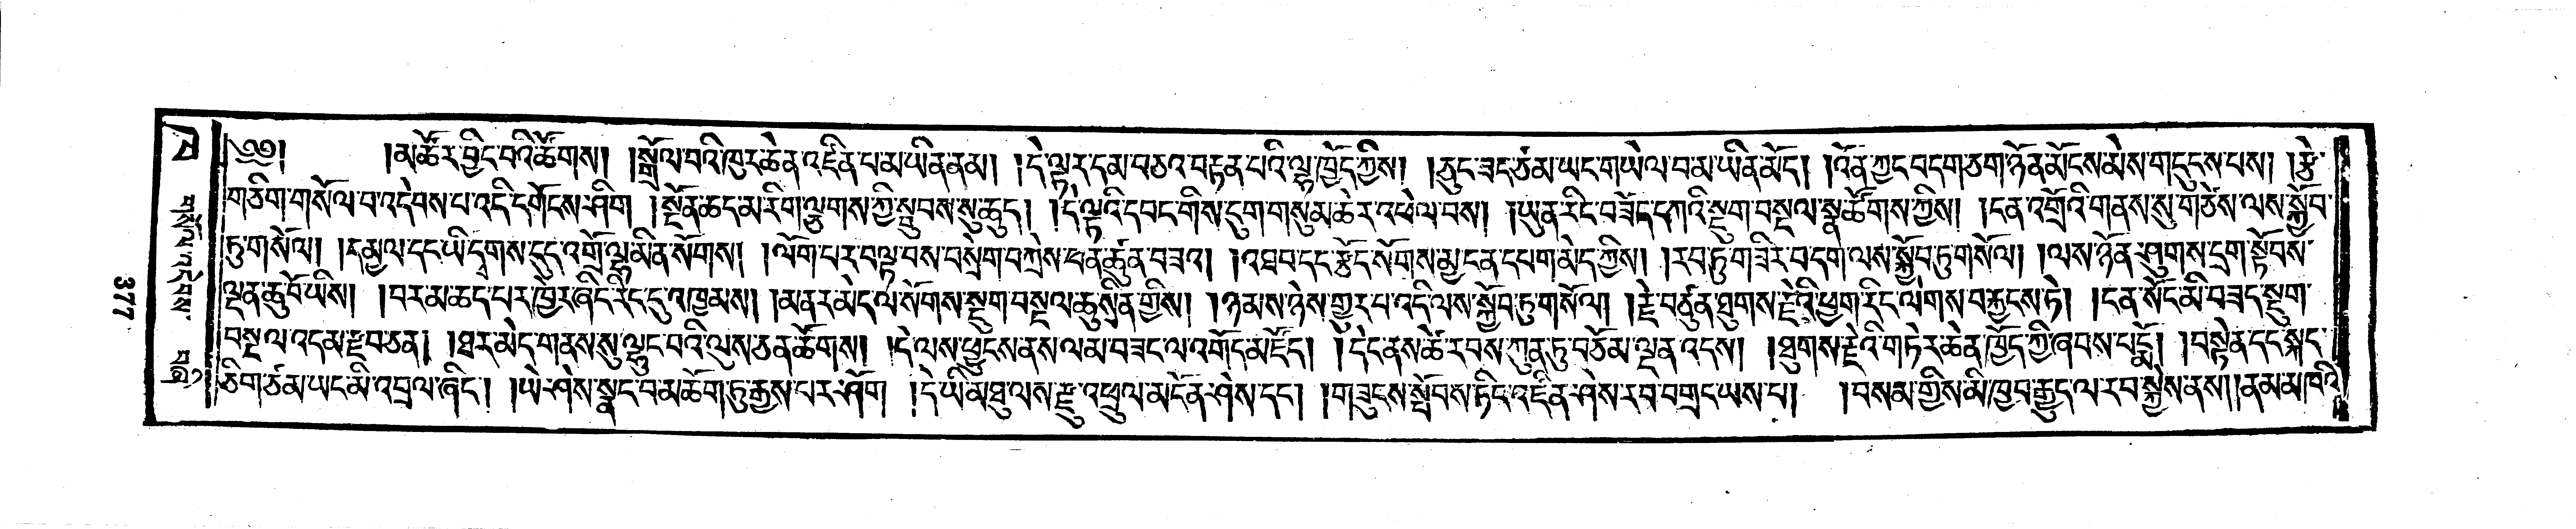༄༅། །མཚོར་བྱིང་བའི་ཚོགས། །སྒྲོལ་བའི་ཁུར་ཆེན་འཛིན་པ་མ་ཡིན་ནམ། །དེ་ལྟར་དམ་བཅའ་བརྟན་པའི་ལྷ་ཁྱོད་ཀྱིས། །ཅུང་ཟད་ཙམ་ཡང་གཡེལ་བ་མ་ཡིན་མོད། །འོན་ཀྱང་བདག་ཅག་ཉོན་མོངས་མེས་གདུངས་པས། །རྩེ་
གཅིག་གསོལ་བ་འདེབས་པ་འདི་དགོངས་ཤིག །སྔོན་ཆད་མ་རིག་ལྕགས་ཀྱི་སྦུབས་སུ་ཆུད། །དེ་ལྟའི་དབང་གིས་དུག་གསུམ་ཆེར་འཕེལ་བས། ། ཡུན་རིང་བཟོད་དཀའི་སྡུག་བསྔལ་སྣ་ཚོགས་ཀྱིས། །དན་འགྲོའི་གནས་སུ་གཙེས་ལས་སྐྱོབ་
ཏུ་གསོལ། །དམྱལ་དང་ཡི་དྭགས་དུད་འགྲོ་ལྷ་མིན་སོགས། །ལོག་པར་བལྟ་བས་བསྲེག་བཀྲེས་ཕན་ཚུན་བཟའ། །འཐབ་དང་རྩོད་སོགས་མྱ་ངན་དཔག་མེད་ཀྱིས། །རབ་ཏུ་གཟིར་བདག་ལས་སྐྱོབ་ཏུ་གསོལ། །ལས་ཉོན་ཤུགས་དྲག་སྟོབས་
ལྡན་ཆུ་བོ་ཡིས། །བར་མ་ཆད་པར་ཁྱེར་ཞིང་རིང་དུ་འཁྱམས། །མནར་མེད་ལ་སོགས་སྡུག་བསྔལ་ཆུ་སྲིན་གྱིས། །ཉམས་ཉེས་གྱུར་པ་འདི་ལས་སྐྱོབ་ཏུ་གསོལ། །རྗེ་བཙུན་ཐུགས་རྗེའི་ཕྱག་རིང་ལེགས་བརྐྱངས་ཏེ། །ངན་སོང་མི་བཟད་སྡུག་
བསྔལ་འདམ་རྫབ་ཅན། །ཐར་མེད་གནས་སུ་ལྷུང་བའི་ལུས་ཅན་ཚོགས། །དེ་ལས་ཕྱུངས་ནས་ལམ་བཟང་ལ་འགོད་མཛོད། །དེང་ནས་ཚེ་རབས་ཀུན་ཏུ་བཅོམ་ལྡན་འདས། །ཐུགས་རྗེའི་གཏེར་ཆེན་ཁྱོད་ཀྱི་ཞབས་པདམོ། །བསྟེན་དང་སྐད་
ཅིག་ཙམ་ཡང་མི་འབྲལ་ཞིང་། །ཡེ་ཤེས་སྣང་བ་མཆོག་ཏུ་རྒྱས་པར་ཤོག །དེ་ཡི་མཐུ་ལས་རྫུ་འཕྲུལ་མངོན་ཤེས་དང་། །གཟུངས་སྤོབས་ཏིང་འཛིན་ཤེས་རབ་བགྲང་ཡས་པ། །བསམ་གྱིས་མི་ཁྱབ་རྒྱུད་ལ་རབ་སྐྱེས་ནས། །ནམ་མཁའི་